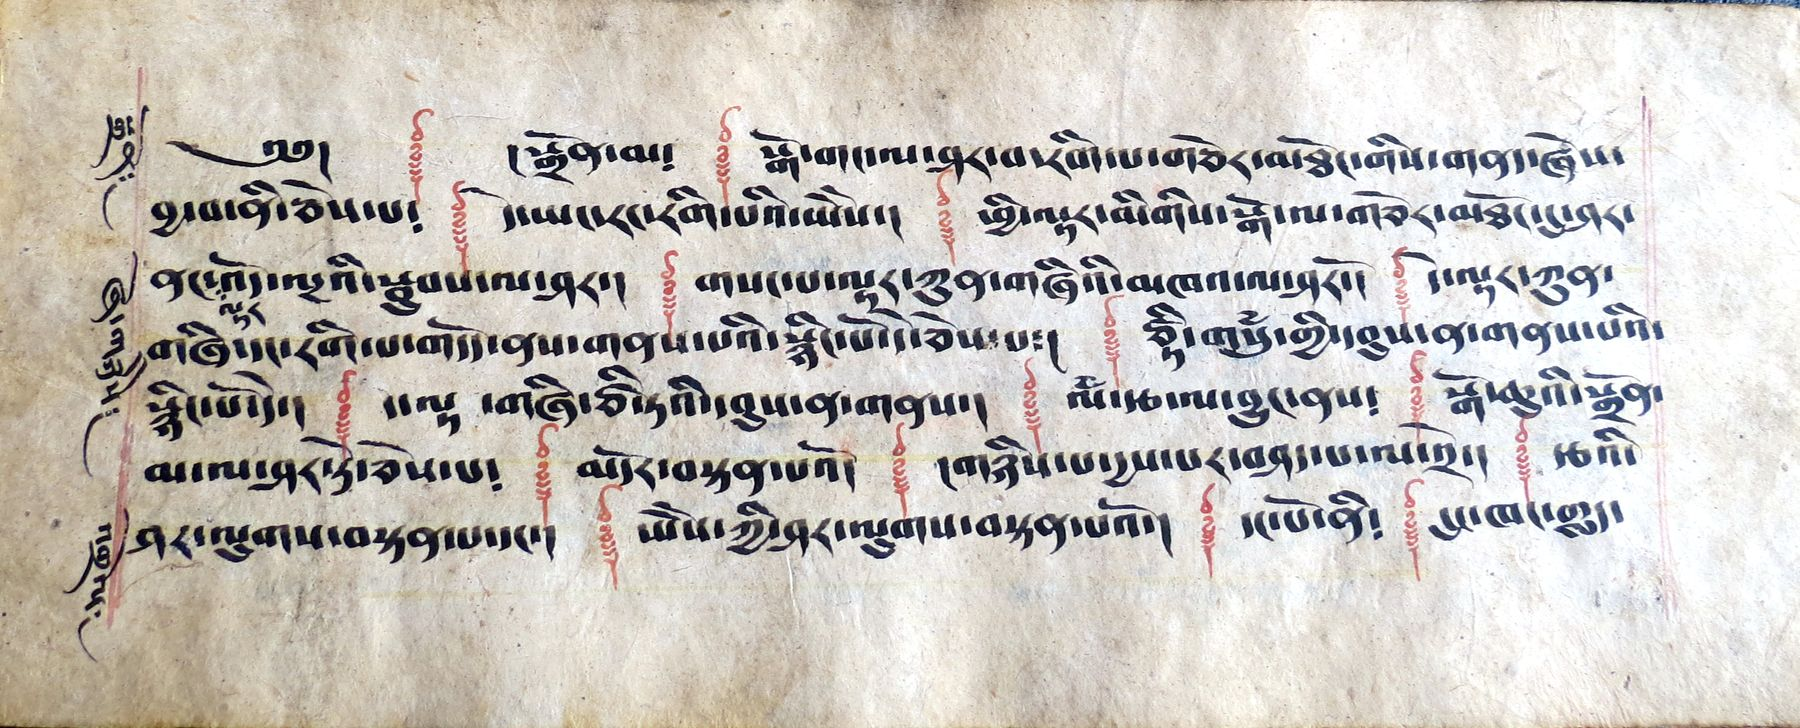སྒྲོན་མ། སྒོ་གང་ལ་ཤར་བ་རིག་པ་གཅེར་མཐོང་གི་གནད་ཅེས་
བྱ་བ་ནི་ཞེས་པས། དེ་ཡང་རང་རིག་པའི་ཡེ་ཤེས། ཕྱི་ལྟར་མིག་གི་སྒོ་ལ་གཅེར་མཐོང་དུ་ཤར། 
ནང་ལྟར་འོད་ལྔའི་སྦུབས་ལ་ཤར། གསང་བ་ལྟར་ཀུན་གཞིའི་མཁའ་ལ་ཤར་རོ། །དེ་ལྟར་ཀུན་
གཞི་དང་རིག་པ་གདོད་ནས་གནས་པའི་སྙིང་པོ་དེ་ཞེས་པས། ཙི་ཏ་གསུམ་གྱི་དབུས་ན་གནས་པའི་
སྙིང་པོ་དེ། དེ་ལྟར་གཞི་ཙི་ཏའི་དབུས་ན་གནས། ལམ་རྩ་ལ་བྱུང་ནས། སྒོ་ཆུའི་སྒྲོན་
མ་ལ་ཤར་ཏེ། །ཞེས་པས་མདོར་བསྟན་པའོ། །གཉིས་པ་རྒྱས་པར་བཤད་པ་ལ་གཉིས་ཏེ། རྩའི་
ཤར་ལུགས་བསྟན་པ་དང་། ཡེ་ཤེས་ཀྱི་ཤར་ལུགས་བསྟན་པའོ། །དང་པོ་ནི། དུང་ཁང་ཀླད་པའི་